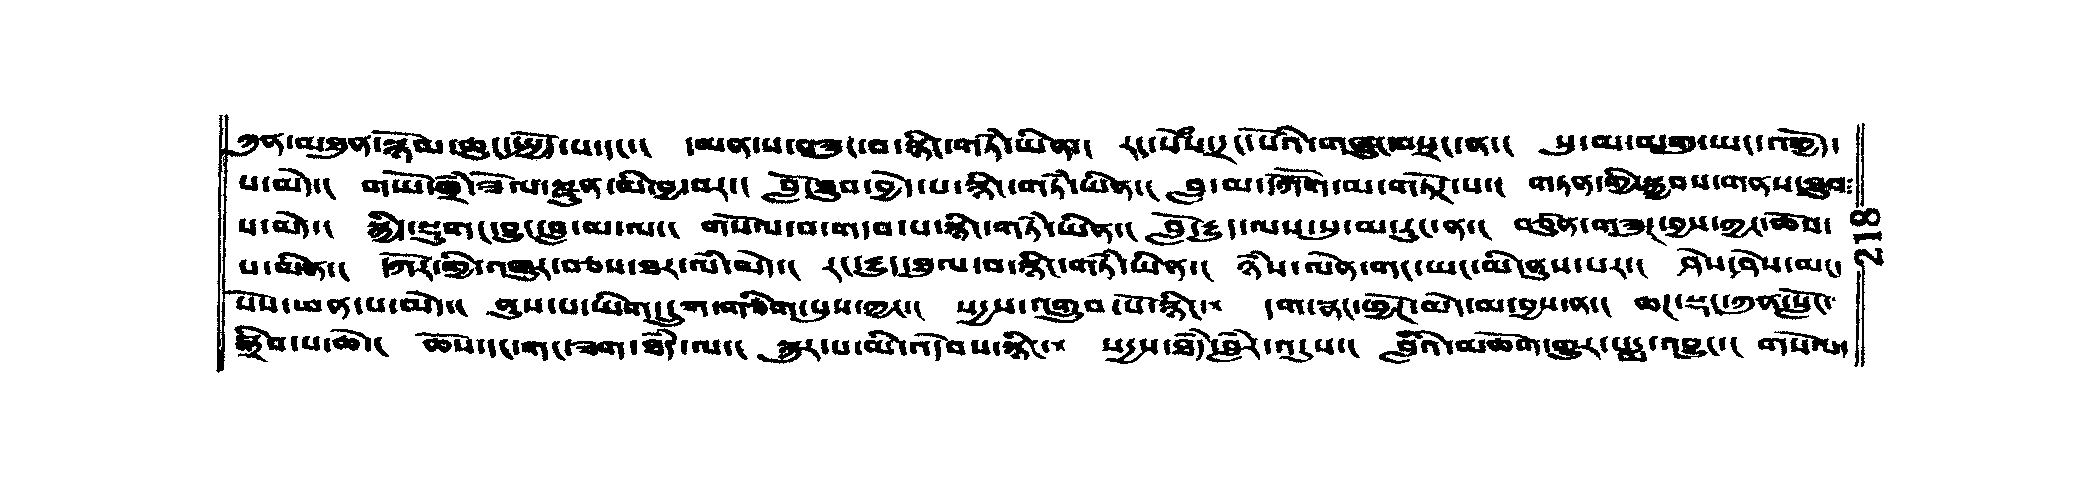།ཀུན་མཐུན་སྙོམ་ཆུང་སྤྱོད་པ་དང་། །དམན་ས་བཟུང་བ་སྙིང་གཏམ་ཡིན། །རང་སེམས་དྲང་པོའི་གཞུང་བསྲང་ན། །སུ་མ་མགུ་ཡང་འགྱོད་
པ་མེད། །གཡོ་ཁྲམ་ཟོལ་རྫུན་མི་བྱ་བར། །བློ་ཟུ་བྱེད་པ་སྙིང་གཏམ་ཡིན། །བླ་མ་དཀོན་མཆོག་མ་གཏོགས་པ། །གཏན་གྱི་སྐབས་གནས་ཐུབ་
པ་མེད། །སྐྱིད་སྡུག་བྱུང་བླ་མ་ལ། །གསོལ་བ་གདབ་པ་སྙིང་གཏམ་ཡིན། །བློ་རྒྱུད་ལས་སུ་མ་རུང་ན། །བཙུན་གཟུགས་བྱས་ཀྱང་ཆོས་
པ་མིན། །དཀོར་གྱི་འཁུར་བཅས་ཐར་ལམ་མེད། །རང་རྒྱུད་ཐུལ་བ་སྙིང་གཏམ་ཡིན། །ཉམས་ལེན་གང་ཡང་མི་ནུས་པར། །ཤེས་ཤེས་མང་
པོས་ཕན་པ་མེད། །ནུས་པ་ཡིག་དྲུག་གཅིག་པུས་ཀྱང་། །སངས་རྒྱས་འགྲུབ་པོ་སྙིང་གཏམ་ཡིན། །དག་སྣང་ཕྱོགས་མེད་མ་བྱས་ན། །ཆགས་སྡང་ཀུན་སློང་
སྒྲིབ་པ་ཆེ། །ཆོས་དང་གང་ཟག་ཐམས་ཅད་ལ། །སྐུར་པ་མི་འདེབས་སྙིང་གཏམ་ཡིན། །སངས་རྒྱས་ཐམས་ཅད་བླ་མར་འདུས། །བླ་མའི་མཆོག་གྱུར་པདྨ་འབྱུང་། །གསོལ་